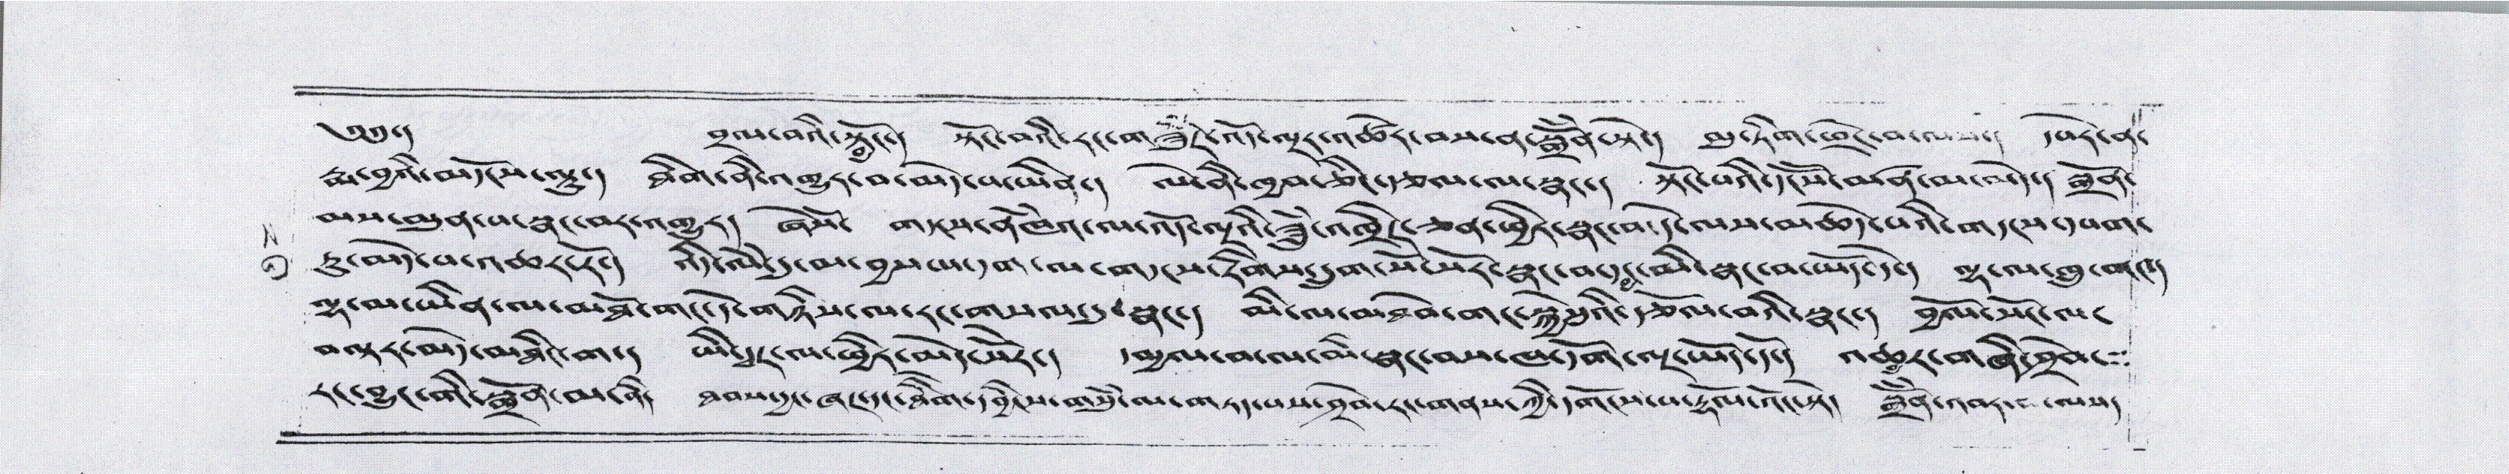བྲལ་བའི་སྟོང་། སྟོང་པའི་རང་གཟུགས་འོད་ལྔར་འཚེར་བས་ན་སྒྲོན་མ་སྟེ། མུ་ཏིག་ཕྲེང་བ་ལས། དཔེར་ན་
རྨ་བྱའི་མདོངས་ལྟ་བུ། ཐིག་ནི་འགྱུར་བ་མེད་པ་ཡིན། ལེ་ནི་ཁྱབ་ཅིང་རྩལ་ལ་སྣང་། སྟོང་པའི་དངོས་པོ་མཚན་མ་མེད། སྒྲོན་
མས་མུན་པ་སྣང་བར་འགྱུར། ཞེས་སོ། གདངས་ནམ་མཁའ་ལ་འོད་ལྔའི་ཟླུམ་འཁྲིགས་ཅན་ཕྱིར་སྣང་བ་དེ་ལས་མཆེད་པའི་གདངས་དཔག་
ཏུ་མེད་པ་འཆར་རོ། འདི་ལམ་དུ་མ་བྱས་པ་དག་ལ་གདངས་རིགས་དྲུག་སོ་སོར་སྣང་བ་དང་མི་སྣང་བ་ཡོད་དེ་ལྷ་ལ་ཁྲུ་གང་། 
ལྷ་མ་ཡིན་ལ་མཐོ་གང་། དེ་གཉིས་ལ་རང་གསལ་དུ་སྣང་། མི་ལ་མཐེབ་གང་སྐྱེས་བུའི་རྩོལ་བས་སྣང་། བྱོལ་སོང་ལ་
བལྟར་མེད་མཐིང་ག ཡི་དྭགས་ལ་ཕྱིར་མེད་སེར་པོ། དམྱལ་བ་ལ་མི་སྣང་བས་ཁ་དོག་ལྔ་ཡོད་དོ། འཆར་གཞི་ཤེས་རབ་
རང་བྱུང་གི་སྒྲོན་མ་ནི། ཐབས་རྒྱང་ཞགས་དང་ཐིག་ལེ་དབྱིངས་གསུམ་ལ་གཏད་པས་ཤེས་རང་རང་གནས་ཀྱི་དགོངས་པ་བརྡོལ་འོང་སྟེ། སྒྲོན་མ་འབར་བ་ལས།